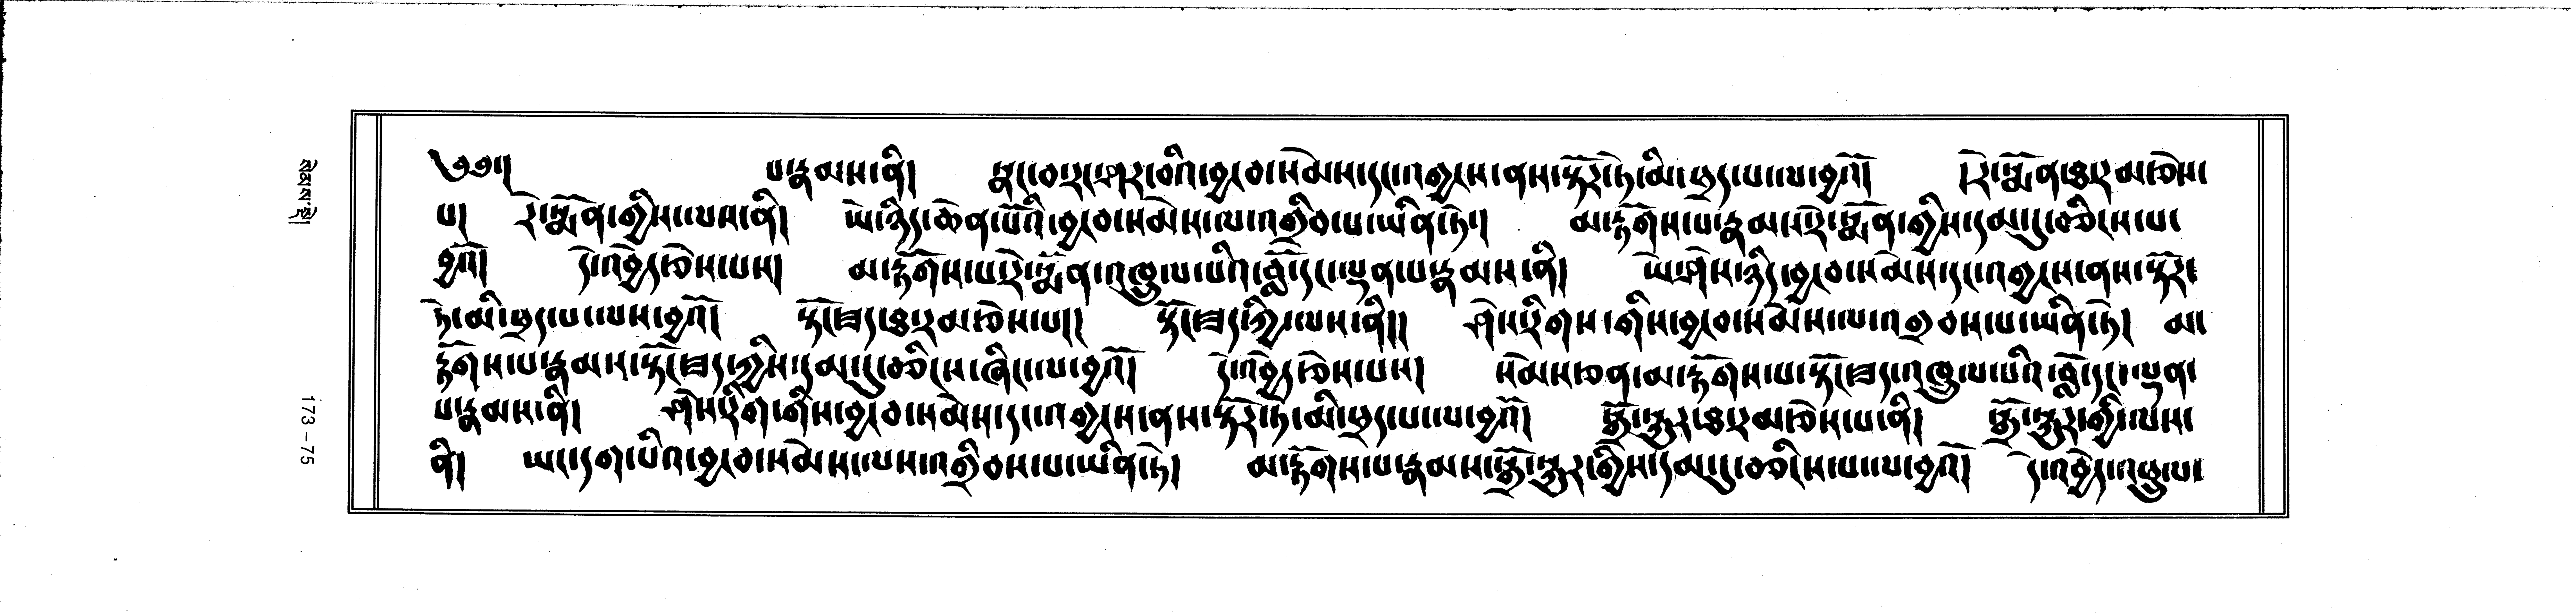པ་རྣམས་ནི། སྣང་བ་རང་ཤར་བའི་བྱང་ཆུབ་སེམས་དང་འགྱངས་ནས་སྟོར་ཏེ་མི་འཕྲད་པ་ལ་བྱའོ། །རེ་སྨོན་ཐ་རམ་ཅེས་
པ། རེ་སྨོན་གྱི་ལས་ནི། ཡེ་ཉིད་ཆེན་པོའི་བྱང་ཆུབ་སེམས་ལས་འགྲིབ་པ་ཡིན་ཏེ། མ་རྟོགས་པ་རྣམས་རེ་སྨོན་གྱིས་དམ་དུ་བཅིངས་པ་
ལ་བྱའོ། །དེ་འབྱེད་ཅེས་པས། མ་རྟོགས་པ་རེ་སྨོན་འཁྲུལ་པའི་བློ་དང་ལྡན་པ་རྣམས་ནི། ཡེ་ཤེས་ཉིད་བྱང་ཆུབ་སེམས་དང་འགྱངས་ནས་སྟོར་
དེ་མི་འཕྲད་པ་ལ་བྱའོ། །སྟོང་ཟད་ཐ་རམ་ཅེས་པ། སྟོང་ཟད་ཀྱི་ལས་ནི། ཤེས་རིག་གི་བྱང་ཆུབ་སེམས་ལ་འགྲིབ་པ་ཡིན་ཏེ། མ་
རྟོགས་པ་རྣམས་སྟོང་ཟད་ཀྱིས་དམ་དུ་བཅིངས་པ་ལ་བྱའོ། །དེ་འབྱེད་ཅེས་པས། སེམས་ཅན་མ་རྟོགས་པ་སྟོང་ཟད་འཁྲུལ་པའི་བློ་དང་ལྡན་
པ་རྣམས་ནི། ཤེས་རིག་གི་བྱང་ཆུབ་སེམས་དང་འགྱངས་ནས་སྟོར་ཏེ་མི་འཕྲད་པ་ལ་བྱའོ། །སྒྲོ་སྐུར་ཐ་རམས་ཅེས་པ་ནི། སྒྲོ་སྐུར་གྱི་ལས་
ནི། ཡང་དག་པའི་བྱང་ཆུབ་སེམས་ལས་འགྲིབ་པ་ཡིན་ཏེ། མ་རྟོགས་པ་རྣམས་སྒྲོ་སྐུར་གྱིས་དམ་དུ་བཅིངས་པ་ལ་བྱའོ། །དེ་འབྱེད་འཕྲུལ་